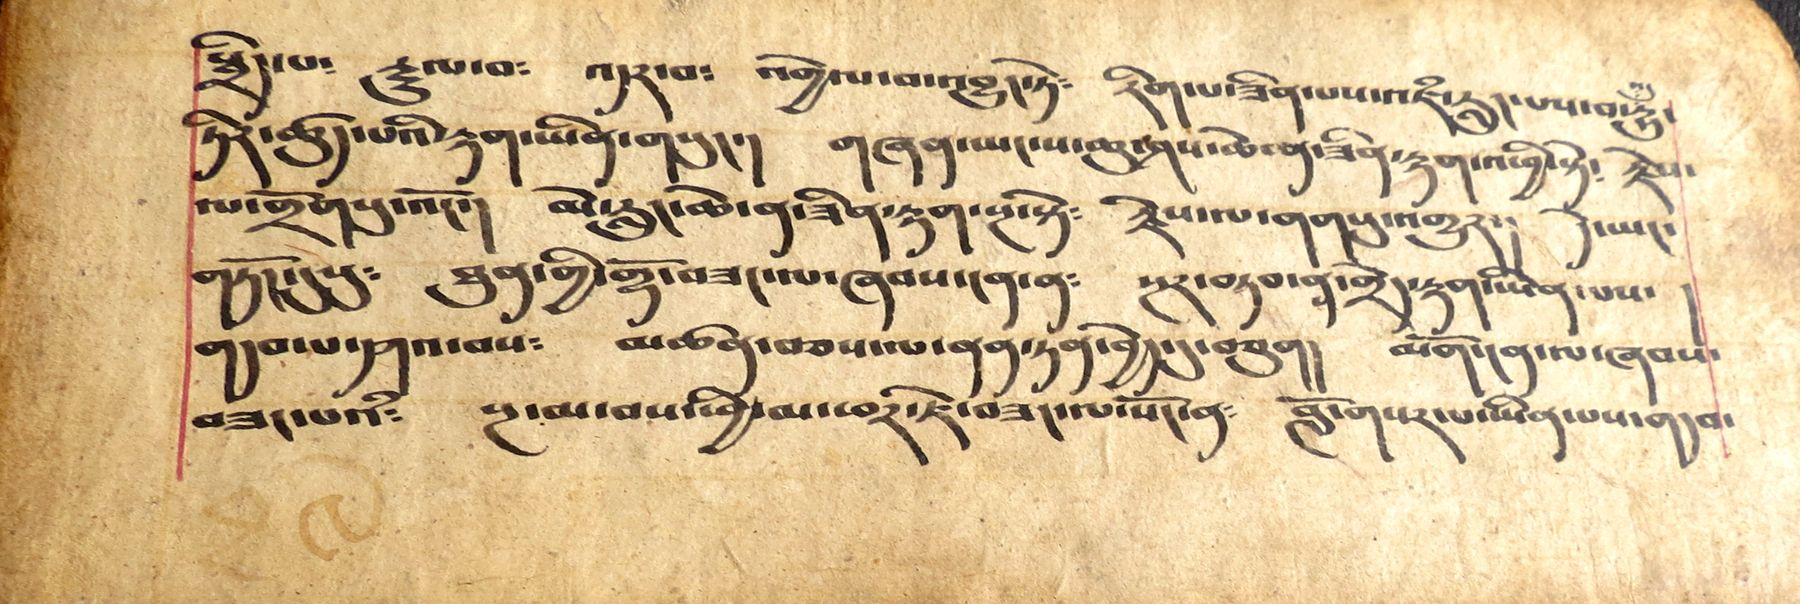སྦྲིད་པ། རྔུལ་བ། འདར་བ་འགྱེལ་བ་འབྱུང་སྟེ་རིག་པ་ཟིན་པས་འཇམ་རླུང་ཨ་བ་འདུ་
ཏིར་ཚུད་པའི་རྟགས་ཡིན་གསུངས། གཞན་ཡང་ས་ཆུ་ཤས་ཆེ་ན། ཟིན་རྟགས་འཕྱི་སྟེ། རྗེས་
ལ་གྲོགས་སུ་འོང་། མེ་རླུང་ཤས་ཆེ་ན་ཟིན་རྟགས་སྔ་སྟེ། རྗེས་ལ་གགས་སུ་འགྱུར། དེ་ཡང་
སྡོད་པའི་དུས་སུ་ཐུན་གྱི་མགོ་བཟང་ལ་ཞབས་ངན་ན། སྔར་བཏབ་ནས་གྲེད་རྟགས་ཡིན་པས་
གདབ་པ་དཀའ་བས། མཚན་བཅས་ལ་ནན་ཏན་བྱེད་དུ་གཞུག མགོ་ངན་ལ་ཞབས་
བཟང་བའམ། སྔ་མ་བས་ཕྱི་མ་ཀུན་ཏུ་ཕར་ཇེ་བཟང་ལ་སོང་ན། བློ་གསར་པ་ཡིན་པས། གདབ་